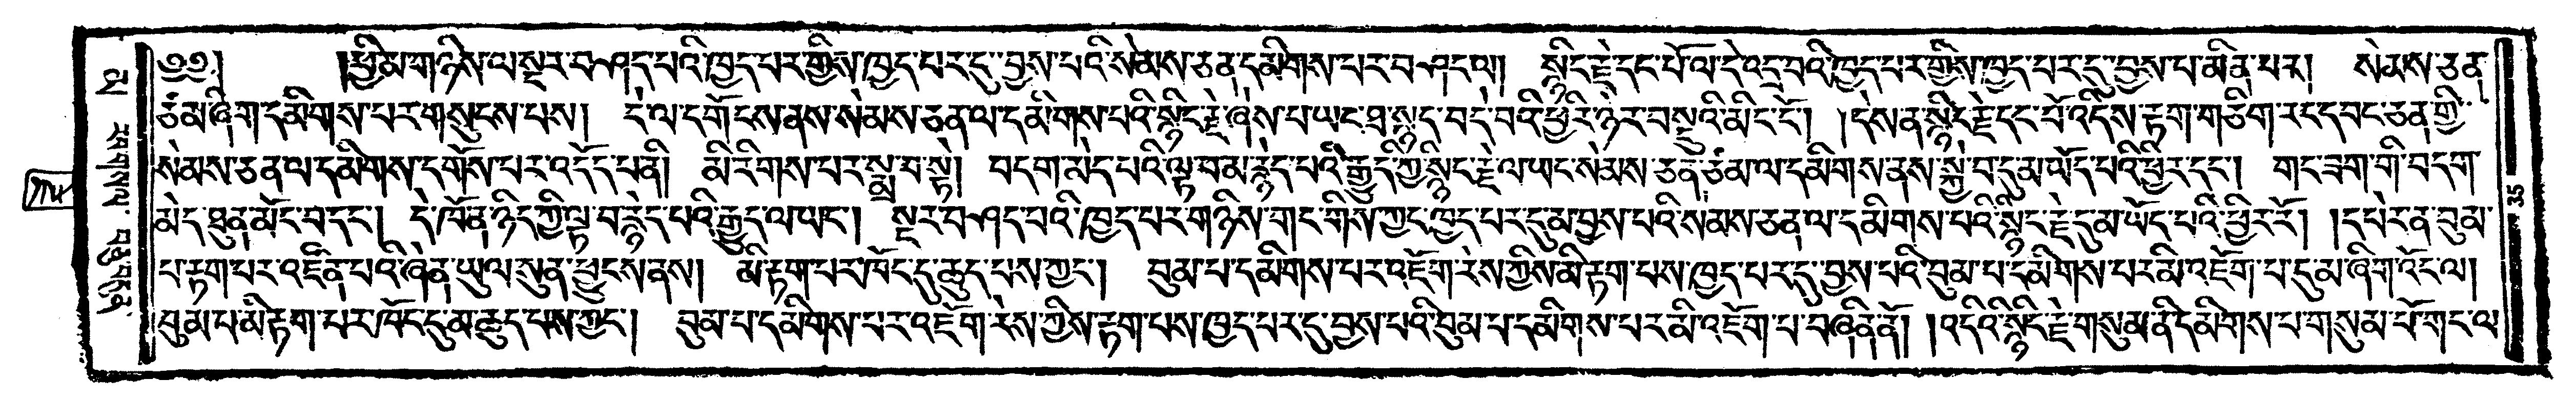༄༅། །ཕྱི་མ་གཉིས་ལ་སྔར་བཤད་པའི་ཁྱད་པར་གྱིས་ཁྱད་པར་དུ་བྱས་པའི་སེམས་ཅན་དམིགས་པར་བཤད་ལ། སྙིང་རྗེ་དང་པོ་ལ་དེ་འདྲ་བའི་ཁྱད་པར་གྱིས་ཁྱད་པར་དུ་བྱས་པ་མིན་པར། སེམས་ཅན་
ཙམ་ཞིག་དམིགས་པར་གསུངས་པས། དེ་ལ་དགོངས་ནས་སེམས་ཅན་ལ་དམིགས་པའི་སྙིང་རྗེ་ཞེས་པ་ཡང་ཐ་སྙད་བདེ་བའི་ཕྱིར་ཉེར་བསྡུའི་མིང་ངོ། །དེས་ན་སྙིང་རྗེ་དང་པོ་འདིས་རྟག་གཅིག་རང་དབང་ཅན་གྱི་
སེམས་ཅན་ལ་དམིགས་དགོས་པར་འདོད་པ་ནི། མི་རིགས་པར་སྨྲ་བ་སྟེ། བདག་མེད་པའི་ལྟ་བ་མ་རྙེད་པའི་རྒྱུད་ཀྱི་སྙིང་རྗེ་ལ་ཡང་སེམས་ཅན་ཙམ་ལ་དམིགས་ནས་སྐྱེ་བ་དུ་མ་ཡོད་པའི་ཕྱིར་དང་། གང་ཟག་གི་བདག་
མེད་ཐུན་མོང་བ་དང་། དེ་ཁོ་ན་ཉིད་ཀྱི་ལྟ་བ་རྙེད་པའི་རྒྱུད་ལ་ཡང་། སྔར་བཤད་པའི་ཁྱད་པར་གཉིས་གང་གིས་ཀྱང་ཁྱད་པར་དུ་མ་བྱས་པའི་སེམས་ཅན་ལ་དམིགས་པའི་སྙིང་རྗེ་དུ་མ་ཡོད་པའི་ཕྱིར་རོ། །དཔེར་ན་བུམ་
པ་རྟག་པར་འཛིན་པའི་ཞེན་ཡུལ་སུན་ཕྱུངས་ཕྱུང་ནས། མི་རྟག་པར་ཁོང་དུ་ཆུད་པས་ཀྱང་། བུམ་པ་དམིགས་པར་འཇོག་རེས་ཀྱིས་མི་རྟག་པས་ཁྱད་པར་དུ་བྱས་པའི་བུམ་པ་དམིགས་པར་མི་འཇོག་པ་དུ་མ་ཞིག་འོང་ལ།
བུམ་པ་མི་རྟག་པར་ཁོང་དུ་ཆུད་པས་ཀྱང་། བུམ་པ་དམིགས་པར་འཇོག་རེས་ཀྱིས་རྟག་པས་ཁྱད་པར་དུ་བྱས་པའི་བུམ་པ་དམིགས་པར་མི་འཇོག་པ་བཞིན་ནོ། །འདིའི་སྙིང་རྗེ་གསུམ་ནི་དམིགས་པ་གསུམ་པོ་གང་ལ་